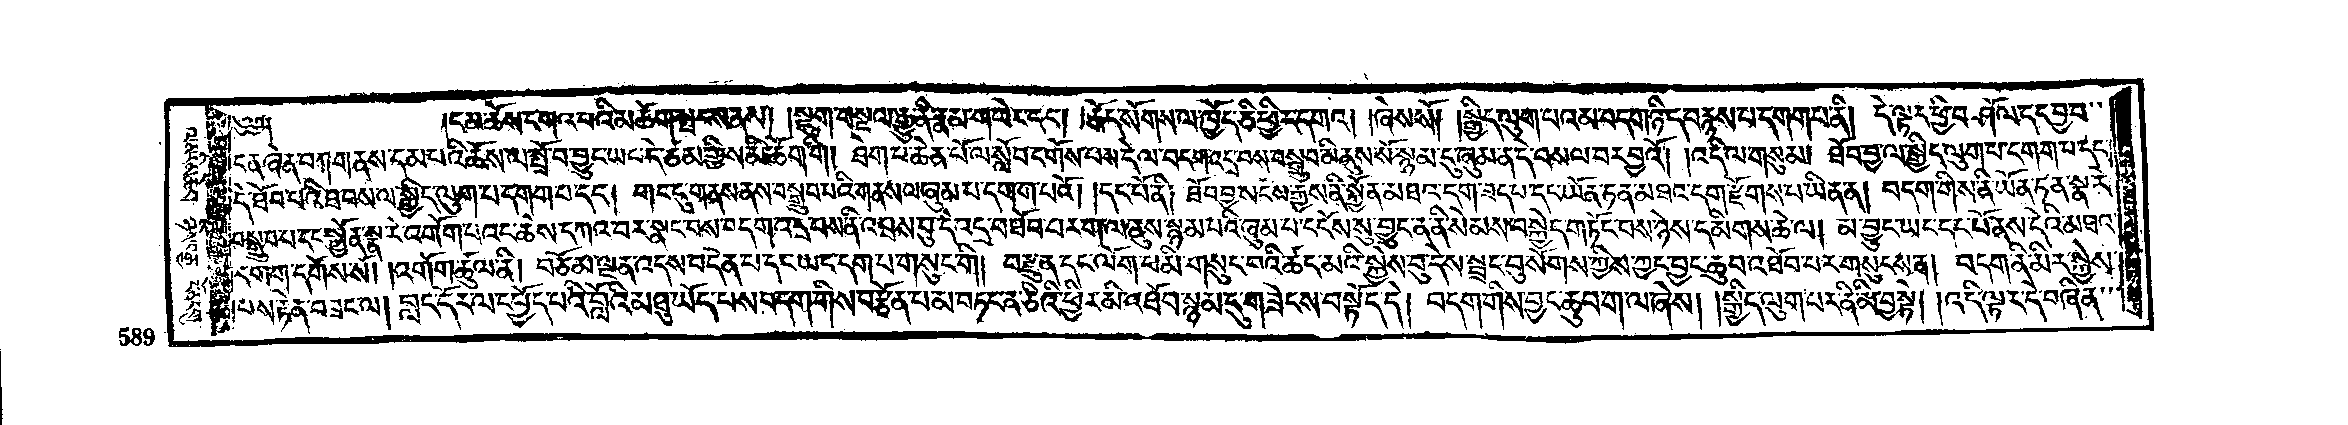༄༅། །དམ་ཆོས་དགའ་བའི་མཆོག་སྤངས་ནས། །སྡུག་བསྔལ་རྒྱུ་ནི་རྣམ་གཡེང་དང་། །རྒོད་སོགས་ལ་ཁྱོད་ཅི་ཕྱིར་དགའ། །ཞེས་སོ། །སྒྱིད་ལུག་པའམ་བདག་ཉིད་བརྙས་པ་དགག་པ་ནི། དེ་ལྟར་ཕྱི་བཤོལ་དང་བྱ་བ་
ངན་ཞེན་བཀག་ནས་དམ་པའི་ཆོས་ལ་སྤྲོ་བ་བྱུང་ཡང་དེ་ཙམ་གྱིས་མི་ཆོག་གི། ཐེག་པ་ཆེན་པོ་ལ་སློབ་དགོས་པས་དེ་ལ་བདག་འདྲ་བས་བསྒྲུབ་མི་ནུས་སོ་སྙམ་དུ་ཞུམ་ན་དེ་བསལ་བར་བྱའོ། །འདི་ལ་གསུམ། ཐོབ་བྱ་ལ་སྒྱིད་ལུག་པ་དགག་པ་དང་།
དེ་ཐོབ་པའི་ཐབས་ལ་སྒྱིད་ལུག་པ་དགག་པ་དང་། གང་དུ་གནས་ནས་བསྒྲུབ་པའི་གནས་ལ་ཞུམ་པ་དགག་པའོ། །དང་པོ་ནི། ཐོབ་བྱ་སངས་རྒྱས་ནི་སྐྱོན་མཐའ་དག་ཟད་པ་དང་ཡོན་ཏན་མཐའ་དག་རྫོགས་པ་ཡིན་ན། བདག་གིས་ནི་ཡོན་ཏན་སྣ་རེ་
བསྒྲུབ་པ་དང་སྐྱོན་སྣ་རེ་འགོག་པའང་ཆེས་དཀའ་བར་སྣང་བས་བདག་འདྲ་བས་ནི་འབྲས་བུ་དེ་འདྲ་བ་ཐོབ་པར་ག་ལ་ནུས་སྙམ་པའི་ཞུམ་པ་དངོས་སུ་བྱུང་ན་ནི་སེམས་བསྐྱེད་གཏོང་བས་ཉེས་དམིགས་ཆེ་ལ། མ་བྱུང་ཡང་དང་པོ་ནས་དེའི་མཐའ་
དགག་དགོས་སོ། །འགོག་ཚུལ་ནི། བཅོམ་ལྡན་འདས་བདེན་པ་དང་ཡང་དག་པ་གསུང་གི། བརྫུན་དང་ལོག་པ་མི་གསུང་བའི་ཚད་མའི་སྐྱེས་བུ་དེས་སྦྲང་བུ་སོགས་ཀྱིས་ཀྱང་བྱང་ཆུབ་འཐོབ་པར་གསུངས་ན། བདག་ནི་མིར་སྐྱེས་
པས་རྟེན་བཟང་ལ། བླང་དོར་ལ་དཔྱོད་པའི་བློའི་མཐུ་ཡོད་པས་བདག་གིས་བརྩོན་པ་མ་བཏང་ན་ཅིའི་ཕྱིར་མི་འཐོབ་སྙམ་དུ་གཟེངས་བསྟོད་དེ། བདག་གིས་བྱང་ཆུབ་ག་ལ་ཞེས། །སྒྱིད་ལུག་པར་ནི་མི་བྱ་སྟེ། །འདི་ལྟར་དེ་བཞིན་